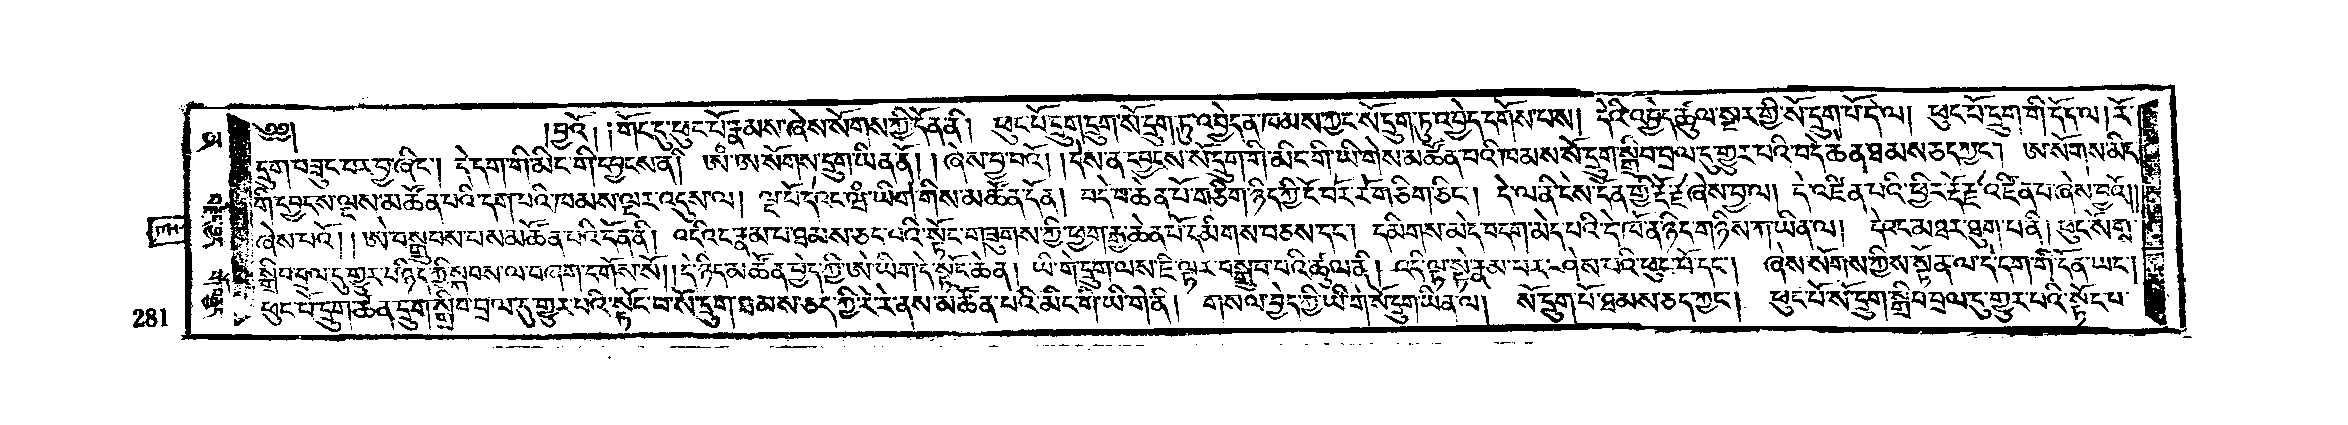༄༅། །བྱའོ། །གོང་དུ་ཕུང་པོ་རྣམས་ཞེས་སོགས་ཀྱི་དོན་ནི། ཕུང་པོ་དྲུག་དྲུག་སོ་དྲུག་ཏུ་འབྱེད་ན་ཁམས་ཀྱང་སོ་དྲུག་ཏུ་འབྱེད་དགོས་པས། དེའི་འབྱེད་ཚུལ་སྔར་གྱི་སོ་དྲུག་པོ་དེ་ལ། ཕུང་པོ་དྲུག་གི་དོད་ལ། རོ་
དྲུག་བཟུང་བར་བྱ་ཞིང་། དེ་དག་གི་མིང་གི་དབྱངས་ནི། ཨཾ་ཨ་སོགས་དྲུག་ཡིན་ནོ། །ཞེས་བྱ་བའོ། །དེས་ན་དབྱངས་སོ་དྲུག་གི་མིང་གི་ཡི་གེས་མཚོན་པའི་ཁམས་སོ་དྲུག་སྒྲིབ་བྲལ་དུ་གྱུར་པའི་བདེ་ཆེན་ཐམས་ཅད་ཀྱང་། ཨ་སོགས་མིང་
གི་དབྱངས་ལྔས་མཚོན་པའི་དག་པའི་ཁམས་ལྔར་འདུས་ལ། ལྔ་པོ་དེའང་ཝཾ་ཡིག་གིས་མཚོན་དོན། བདེ་བ་ཆེན་པོ་གཅིག་ཉིད་ཀྱི་ངོ་བོར་རོ་གཅིག་ཅིང་། དེ་ལ་ནི་ངེས་དོན་གྱི་རྡོ་རྗེ་ཞེས་བྱ་ལ། དེ་འཛིན་པའི་ཕྱིར་རྡོ་རྗེ་འཛིན་པ་ཞེས་བྱའོ། །
ཞེས་པའོ། །ཨེ་བསྒྲུབས་པས་མཚོན་པའི་དོན་ནི། འདིའང་རྣམ་པ་ཐམས་ཅད་པའི་སྟོང་གཟུགས་ཀྱི་ཕྱག་རྒྱ་ཆེན་པོ་དམིགས་བཅས་དང་། དམིགས་མེད་བདག་མེད་པའི་དེ་ཁོ་ན་ཉིད་གཉིས་ཀ་ཡིན་ལ། དེའང་མཐར་ཐུག་པ་ནི། ཕུང་སོགས་
སྒྲིབ་བྲལ་དུ་གྱུར་པ་ཉིད་ཀྱི་སྐབས་ལ་བཞག་དགོས་སོ། །དེ་ཉིད་མཚོན་བྱེད་ཀྱི་ཨེ་ཡིག་དེ་སྟོང་ཆེན། ཡི་གེ་དྲུག་ལས་ཇི་ལྟར་བསྒྲུབ་པའི་ཚུལ་ནི། འདི་ལྟ་སྟེ་རྣམ་པར་ཤེས་པའི་ཕུང་པོ་དང་། ཞེས་སོགས་ཀྱིས་སྟོན་ལ་དེ་དག་གི་དོན་ཡང་།
ཕུང་པོ་དྲུག་ཚན་དྲུག་སྒྲིབ་བྲལ་དུ་གྱུར་པའི་སྟོང་པ་སོ་དྲུག་ཐམས་ཅད་ཀྱི་རེ་རེ་ནས་མཚོན་པའི་མིང་གི་ཡི་གེ་ནི། གསལ་བྱེད་ཀྱི་ཡི་གེ་སོ་དྲུག་ཡིན་ལ། སོ་དྲུག་པོ་ཐམས་ཅད་ཀྱང་། ཕུང་པོ་སོ་དྲུག་སྒྲིབ་བྲལ་དུ་གྱུར་པའི་སྟོང་པ་